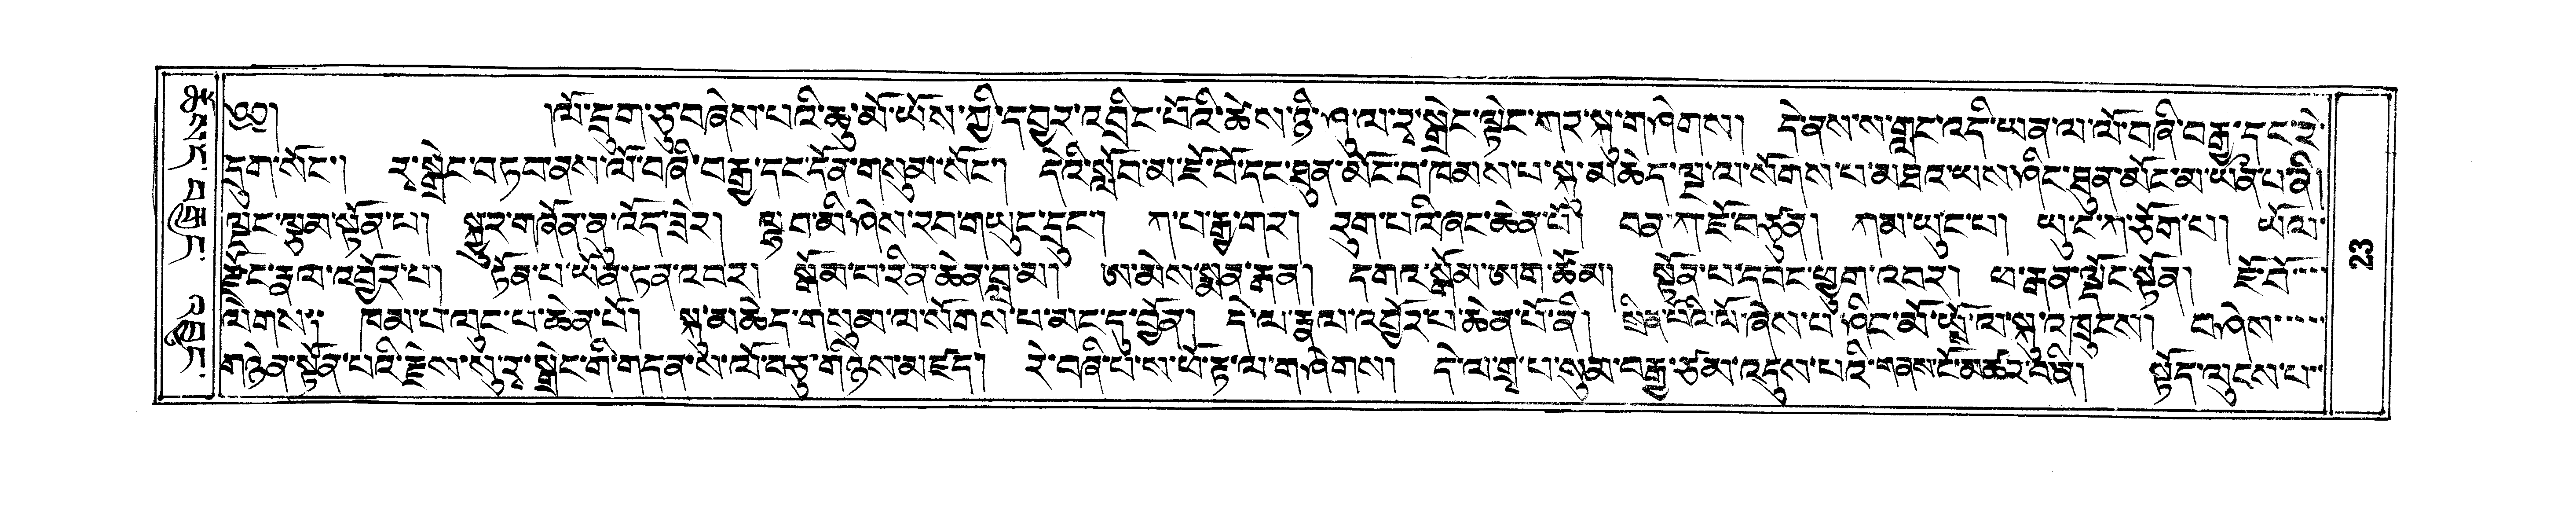༄༅། །ལོ་དྲུག་ཅུ་བཞེས་པའི་ཆུ་མོ་ཡོས་ཀྱི་དབྱར་འབྲིང་པོའི་ཚེས་ཉི་ཤུ་ལ་རྭ་སྒྲེང་ལྟེང་གར་སྐུ་གཤེགས། དེ་ནས་ས་གླང་འདི་ཡན་ལ་ལོ་བཞི་བརྒྱ་དང་རེ་
དྲུག་སོང་། རྭ་སྒྲེང་བཏབ་ནས་ལོ་བཞི་བརྒྱ་དང་དོན་གསུམ་སོང་། དེའི་སློབ་མ་ཇོ་བོ་དང་ཐུན་མོང་བ་ཁམས་པ་སྐུ་མཆེད་ལྔ་ལ་སོགས་པ་མཐའ་ཡས་ཤིང་ཐུན་མོང་མ་ཡྀན་པ་ནི།
ལྡང་ལྕམ་སྟོན་པ། སྐྱུར་གཞོན་ནུ་འོད་ཟེར། ལྷབ་མི་ཤེས་རབ་གཡུང་དྲུང་། ཀ་པ་རྒྱ་གར། རུག་པའི་ཞང་ཆེན་པོ། བན་ཀ་ཇོ་བཙུན། ཀམ་ཡུང་པ། ཡུ་ང་ཀ་ཅོག་པ། ཡོལ་
རྫོང་རྣལ་འབྱོར་པ། ཏོན་པ་ཡོན་ཏན་འབར། སྒོམ་པ་རིན་ཆེན་བླ་མ། ཨ་མེས་སྨན་རྒན། དགའ་སྒོམ་ཨག་ཚོམ། སྟོན་པ་དབང་ཕྱུག་འབར། ཕ་རྒན་ལྡོང་སྟོན། ཇོ་བོ་
ལེགས༑ ཁམ་པ་ལུང་པ་ཆེན་པོ། སྐུ་མཆེད་གསུམ་ལ་སོགས་པ་མང་དུ་བྱོན། དེ་ལ་རྣལ་འབྱོར་པ་ཆེན་པོ་ནི། སྲིན་པོའི་ལོ་ཞེས་པ་ཤིང་མོ་ཡོས་ལ་སྐུ་འཁྲུངས། བཤེས་
གཉེན་སྟོན་པའི་རྗེས་སུ་རྭ་སྒྲེང་གི་གདན་ས་ལོ་བཅུ་གཉིས་མཛད། རེ་བཞི་པ་ས་ཕོ་རྟ་ལ་གཤེགས། དེ་ལ་གྲྭ་པ་སུམ་བརྒྱ་ཙམ་འདུས་པའི་གནས་ངོ་མཚར་བ་ནི། སྟོད་ལུངས་པ་